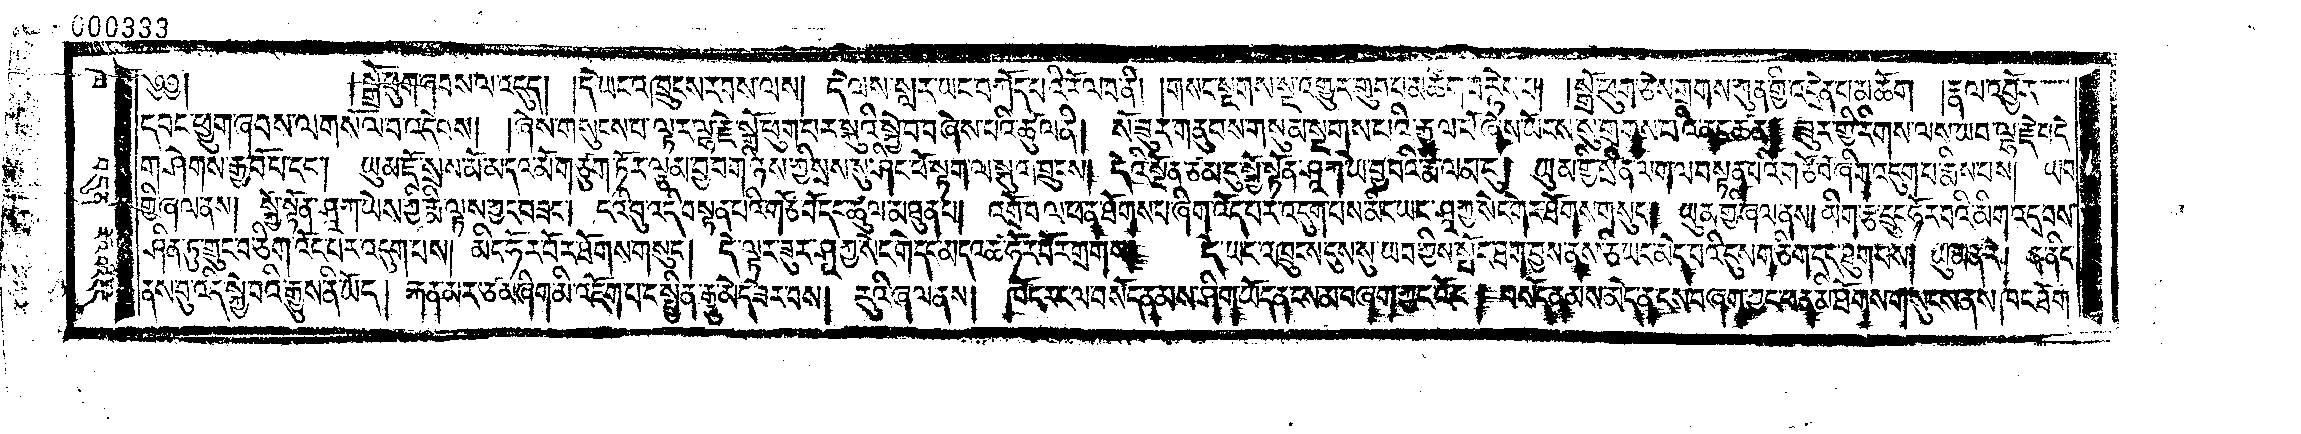༄༅། །སྒྲོ་ཕུག་ཞབས་ལ་འདུད། །དེ་ཡང་འཁྲུངས་རབས་ལས། དེ་ལས་སླར་ཡང་བཀོད་པའི་རོལ་བ་ནི། །གསང་སྔགས་སྔ་འགྱུར་གྲུབ་པ་མཆོག་བརྙེས་པ། །སྒྲོ་ཕུག་ཅེས་གྲགས་ཀུན་གྱི་འདྲེན་པ་མཆོག །རྣལ་འབྱོར་
དབང་ཕྱུག་ཞབས་ལ་གསོལ་བ་འདེབས། །ཞེས་གསུངས་པ་ལྟར་ལྷ་རྗེ་སྒྲོ་ཕུག་པར་སྐུའི་སྐྱེ་བ་བཞེས་པའི་ཚུལ་ནི། སོ་ཟུར་གནུབས་གསུམ་སྔགས་པའི་རྒྱལ་པོ་ཞེས་ཡོངས་སུ་གྲགས་པའི་ནང་ཚན། ཟུར་གྱི་རིགས་ལས་ཡབ་ལྷ་རྗེ་བདེ་
གཤེགས་རྒྱ་པོ་པ་དང་། ཡུམ་ཇོ་སྲས་མོ་མདའ་མོ་གཙུག་ཏོར་ལྕམ་བྱ་བ་གཉིས་ཀྱི་སྲས་སུ་ཤིང་ཕོ་སྟག་ལ་སྐུ་འཁྲུངས། དེའི་སྔོན་ཙམ་དུ་སྐྱོ་སྟོན་ཤཱཀ་ཡེ་བྱ་བའི་རྨི་ལམ་དུ། ཡུམ་གྱི་སྲིན་ལག་ལ་བསྟན་པའི་གཙོ་བོ་ཞིག་འདུག་པ་རྨིས་པས། ཡབ་
གྱི་ཞལ་ནས། སྐྱོ་སྟོན་ཤཱཀ་ཡེས་ཀྱི་རྨི་ལྟས་ཀྱང་བཟང་། ངའི་བུ་འདི་བསྟན་བའི་གཙོ་བོ་དང་ཚུལ་མཐུན་པ། འགྲོ་བ་ལ་ཕན་ཐོགས་པ་ཞིག་འོང་བར་འདུག་པས་མིང་ཡང་ཤཱཀྱ་སེང་གེར་ཐོགས་གསུང་། ཡུམ་གྱི་ཞལ་ནས། མིག་རྩ་དྲུང་ཧོར་པའི་མིག་འདྲ་བས་
ཤིན་ཏུ་གྲུང་བ་ཅིག་འོང་བར་འདུག་པས། མིང་ཧོར་པོར་ཐོགས་གསུང་། དེ་ལྟར་ཟུར་ཤཱཀྱ་སེང་གེ་དང་མདའ་ཚ་ཧོར་པོར་གྲགས། དེ་ཡང་འཁྲུངས་དུས་སུ་ཡབ་ཀྱིས་སྤོང་ཐག་བྱས་ནས་ཅི་ཡང་མེད་པའི་དུས་གཅིག་དང་ཐུག་པས། ཡུམ་ན་རེ། ན་ནིང་
ནས་བུ་འདི་སྐྱེ་བའི་རྒྱུས་ནི་ཡོད། རྐན་མར་ཙམ་ཞིག་མི་འཇོག་པ་ད་སྦྱིན་རྒྱུ་མེད་ཟེར་བས། རུའི་ཞལ་ནས། ཁོང་རང་ལ་བསོད་ནམས་ཤིག་ཡོད་ན་ངས་མ་བཞག་ཀྱང་འོང་། བསོད་ནམས་མེད་ན་ངས་བཞག་ཀྱང་ཕན་མི་ཐོགས་གསུངས་ནས་ཁང་ཐོག་